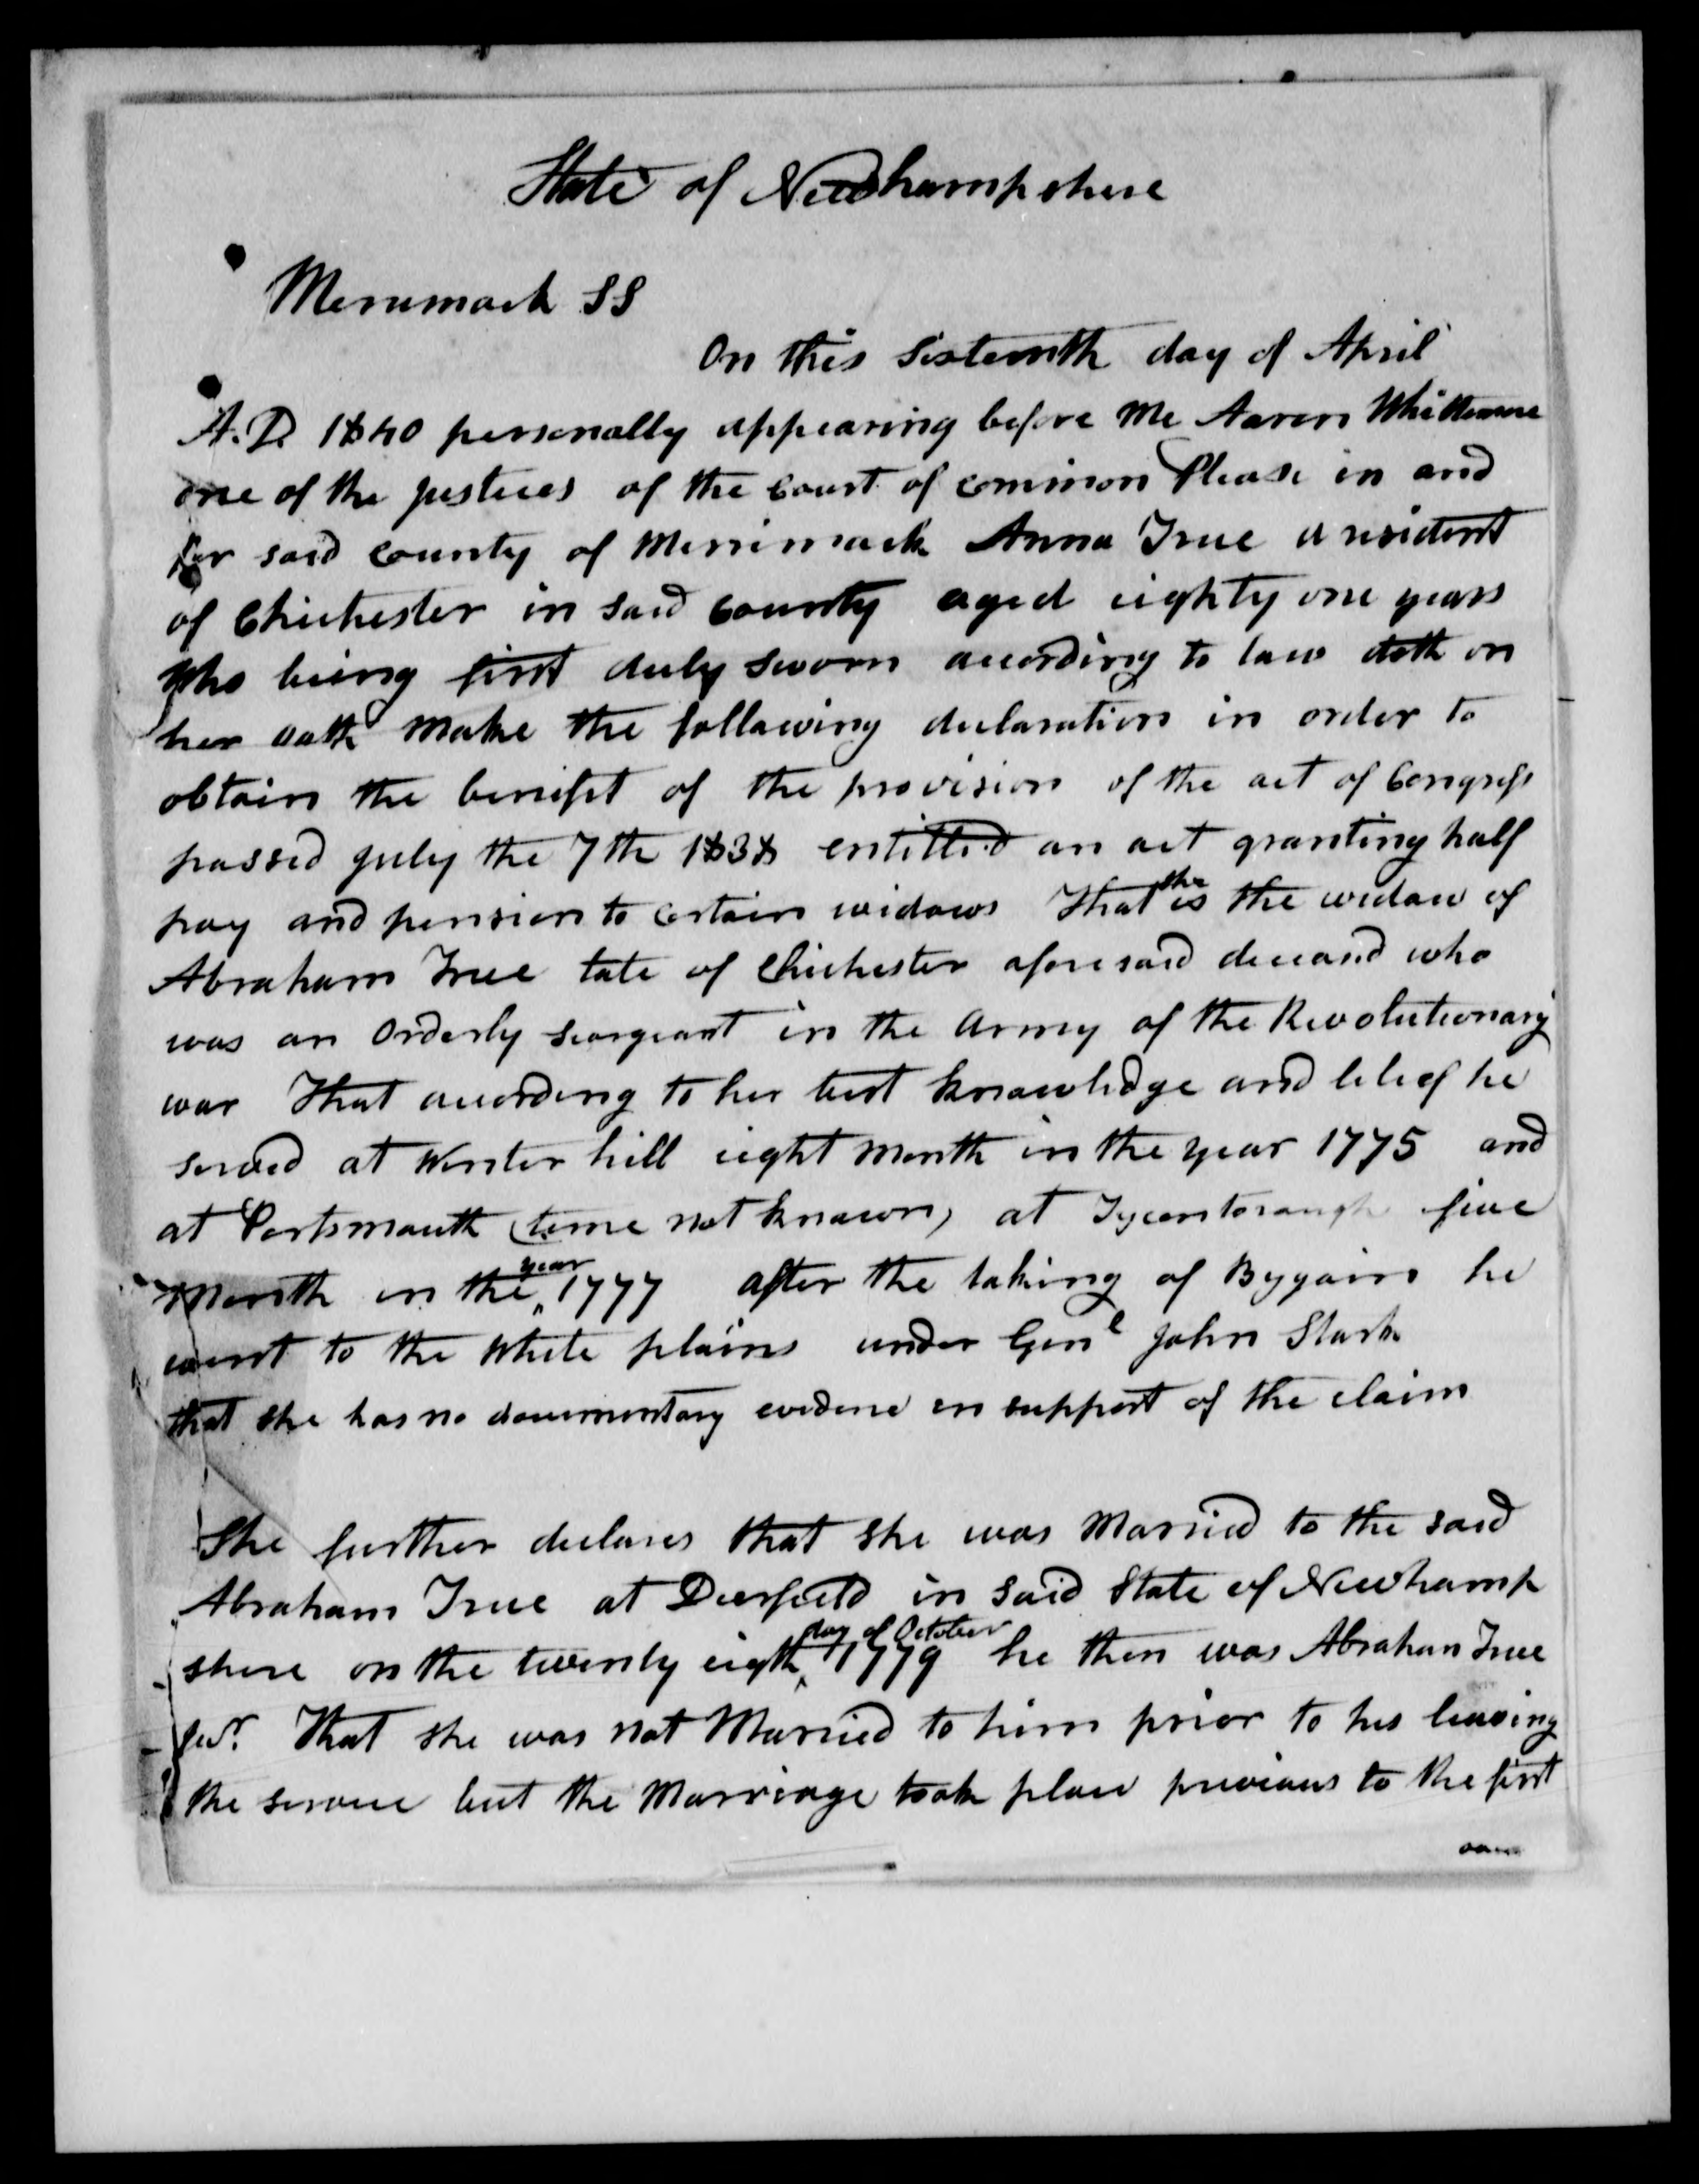State of New Hampshire

Monmouth SS
On this sixteenth day of April AD 1840 personally appearing before Mr. Aaron Whittemore on of the justices of the Court of Common please in and for said County of Monmouth. Anna True is resident of Chichester in said County aged eightone years who being first duly sworn according to laws doth on her oath make the following declaration in order to obtain the benefit of the provision of the act of Congress passed July the 7th 1838 entitled an act granting half pay and pension to certain widows that is the widow of Abraham True late of Chichester aforesaid deccand who was an orderly Sargeant in the army of the Revolutionary was that according to his best knowledge and belief he served at Winter hill eight months in the year 1775 and at Portsmouth (time not known) at Tycontoraugh five months in the year 1777 after taking of Byyairs he went to White Plains under Gen. John Stark that she has no documentary orders in support of the claim.
She further declares that she was married to the said Abraham True at Deerfield in the state of New Hamshire on the twenty-eighth day of October 1779 he then was Abraham True, Esq. that she was not married to him prior to his leaving the service but the marriage took place previous to this first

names: Abraham True, Anna True, John Stark, Abraham True, Abraham True, Aaron Whittemore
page: 4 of 24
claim: widow's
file: W. 16,451, Abraham True, N.H.